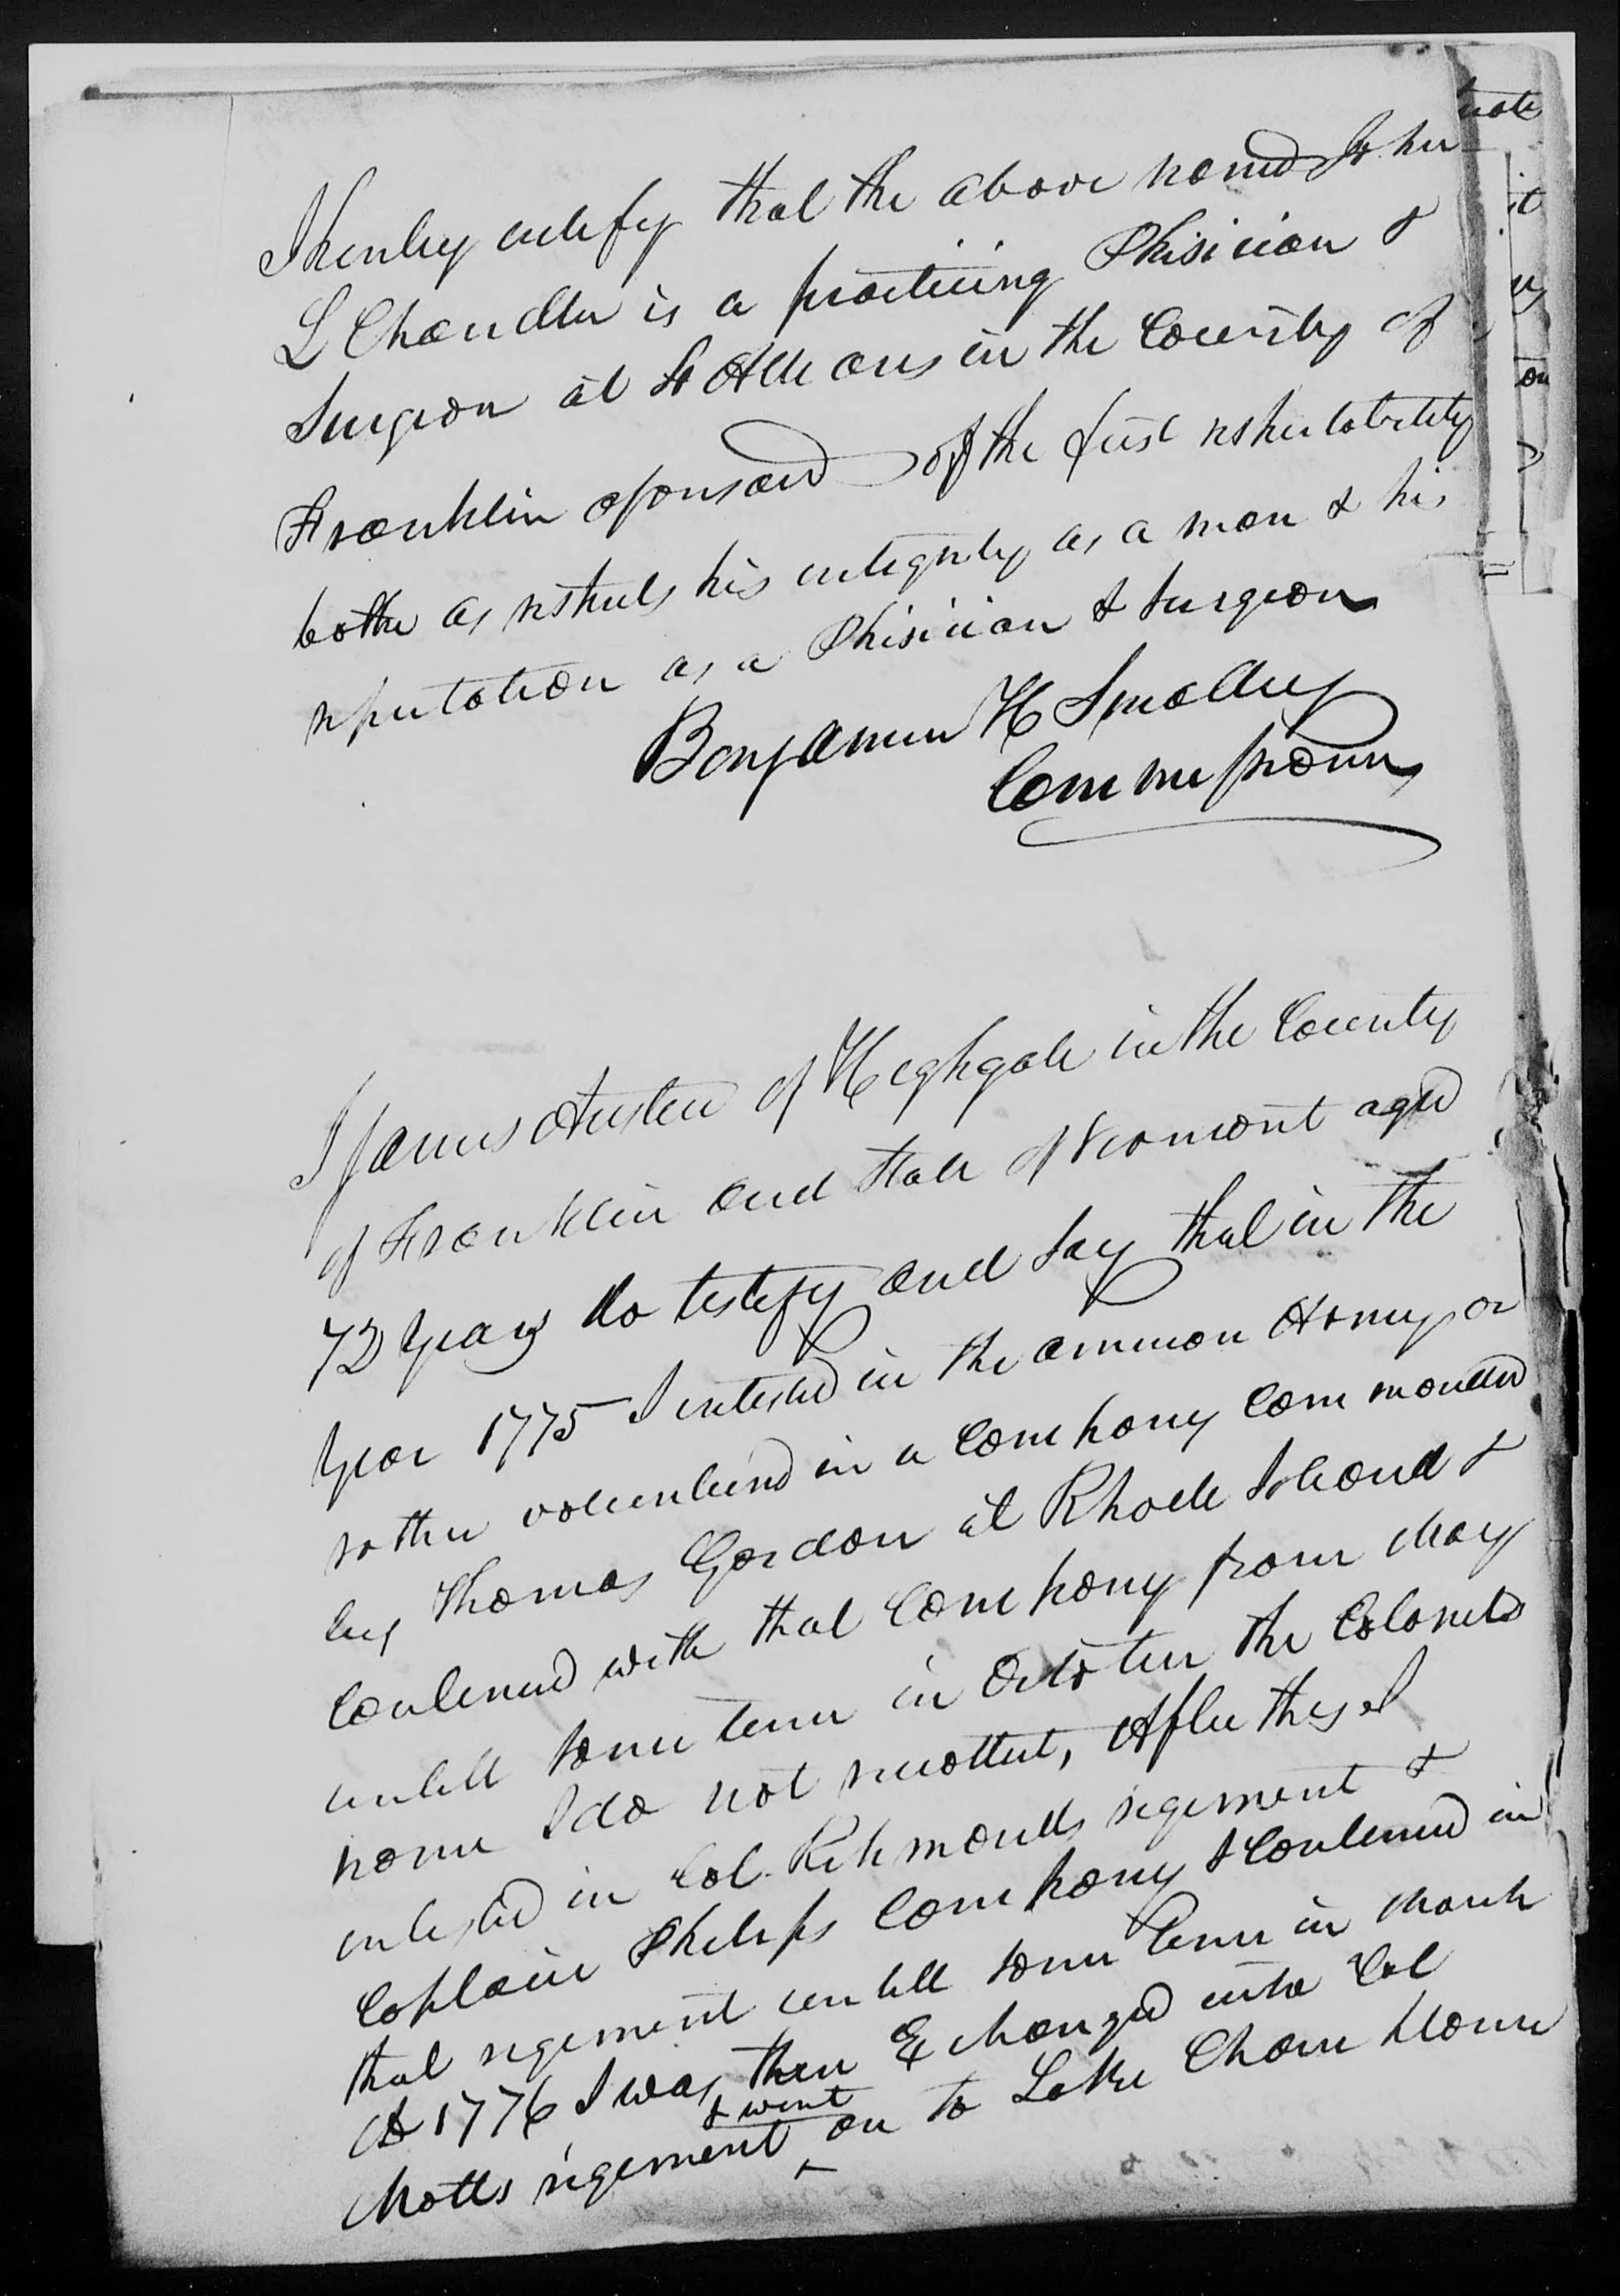I hereby certify that the above named John L Chandler is a practicing Phisician [sic] & Surgeon at [illegible] in the County of Franklin aforesaid of the first respectability both as respect his integrity as a man & his reputation as a Phisician & Surgeon
Benjamin H Smalley
Commissioner 

I James Austin of Highgate in the County of Franklin and State of Vermont age 72 years do testify and say that in the year 1775 I entered in the common army or rather volunteered in a company commanded by Thomas Gordon at Rhode Island & continued with that company from then untill [sic] some time in October the Colonels home I do not recollect, after then I enlisted in Col. Richmonds regiment & Captain Philips company & continued in that regiment untill our time in March AD 1776 I was then exchanged into Col Motts regiment I went on to Lake Champlain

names: Benjamin H Smalley, James Austin, John L Chandler, Thomas Gordon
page: 59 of 100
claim: survivor's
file: S 19186, James Austin, Conn. New York R.I.